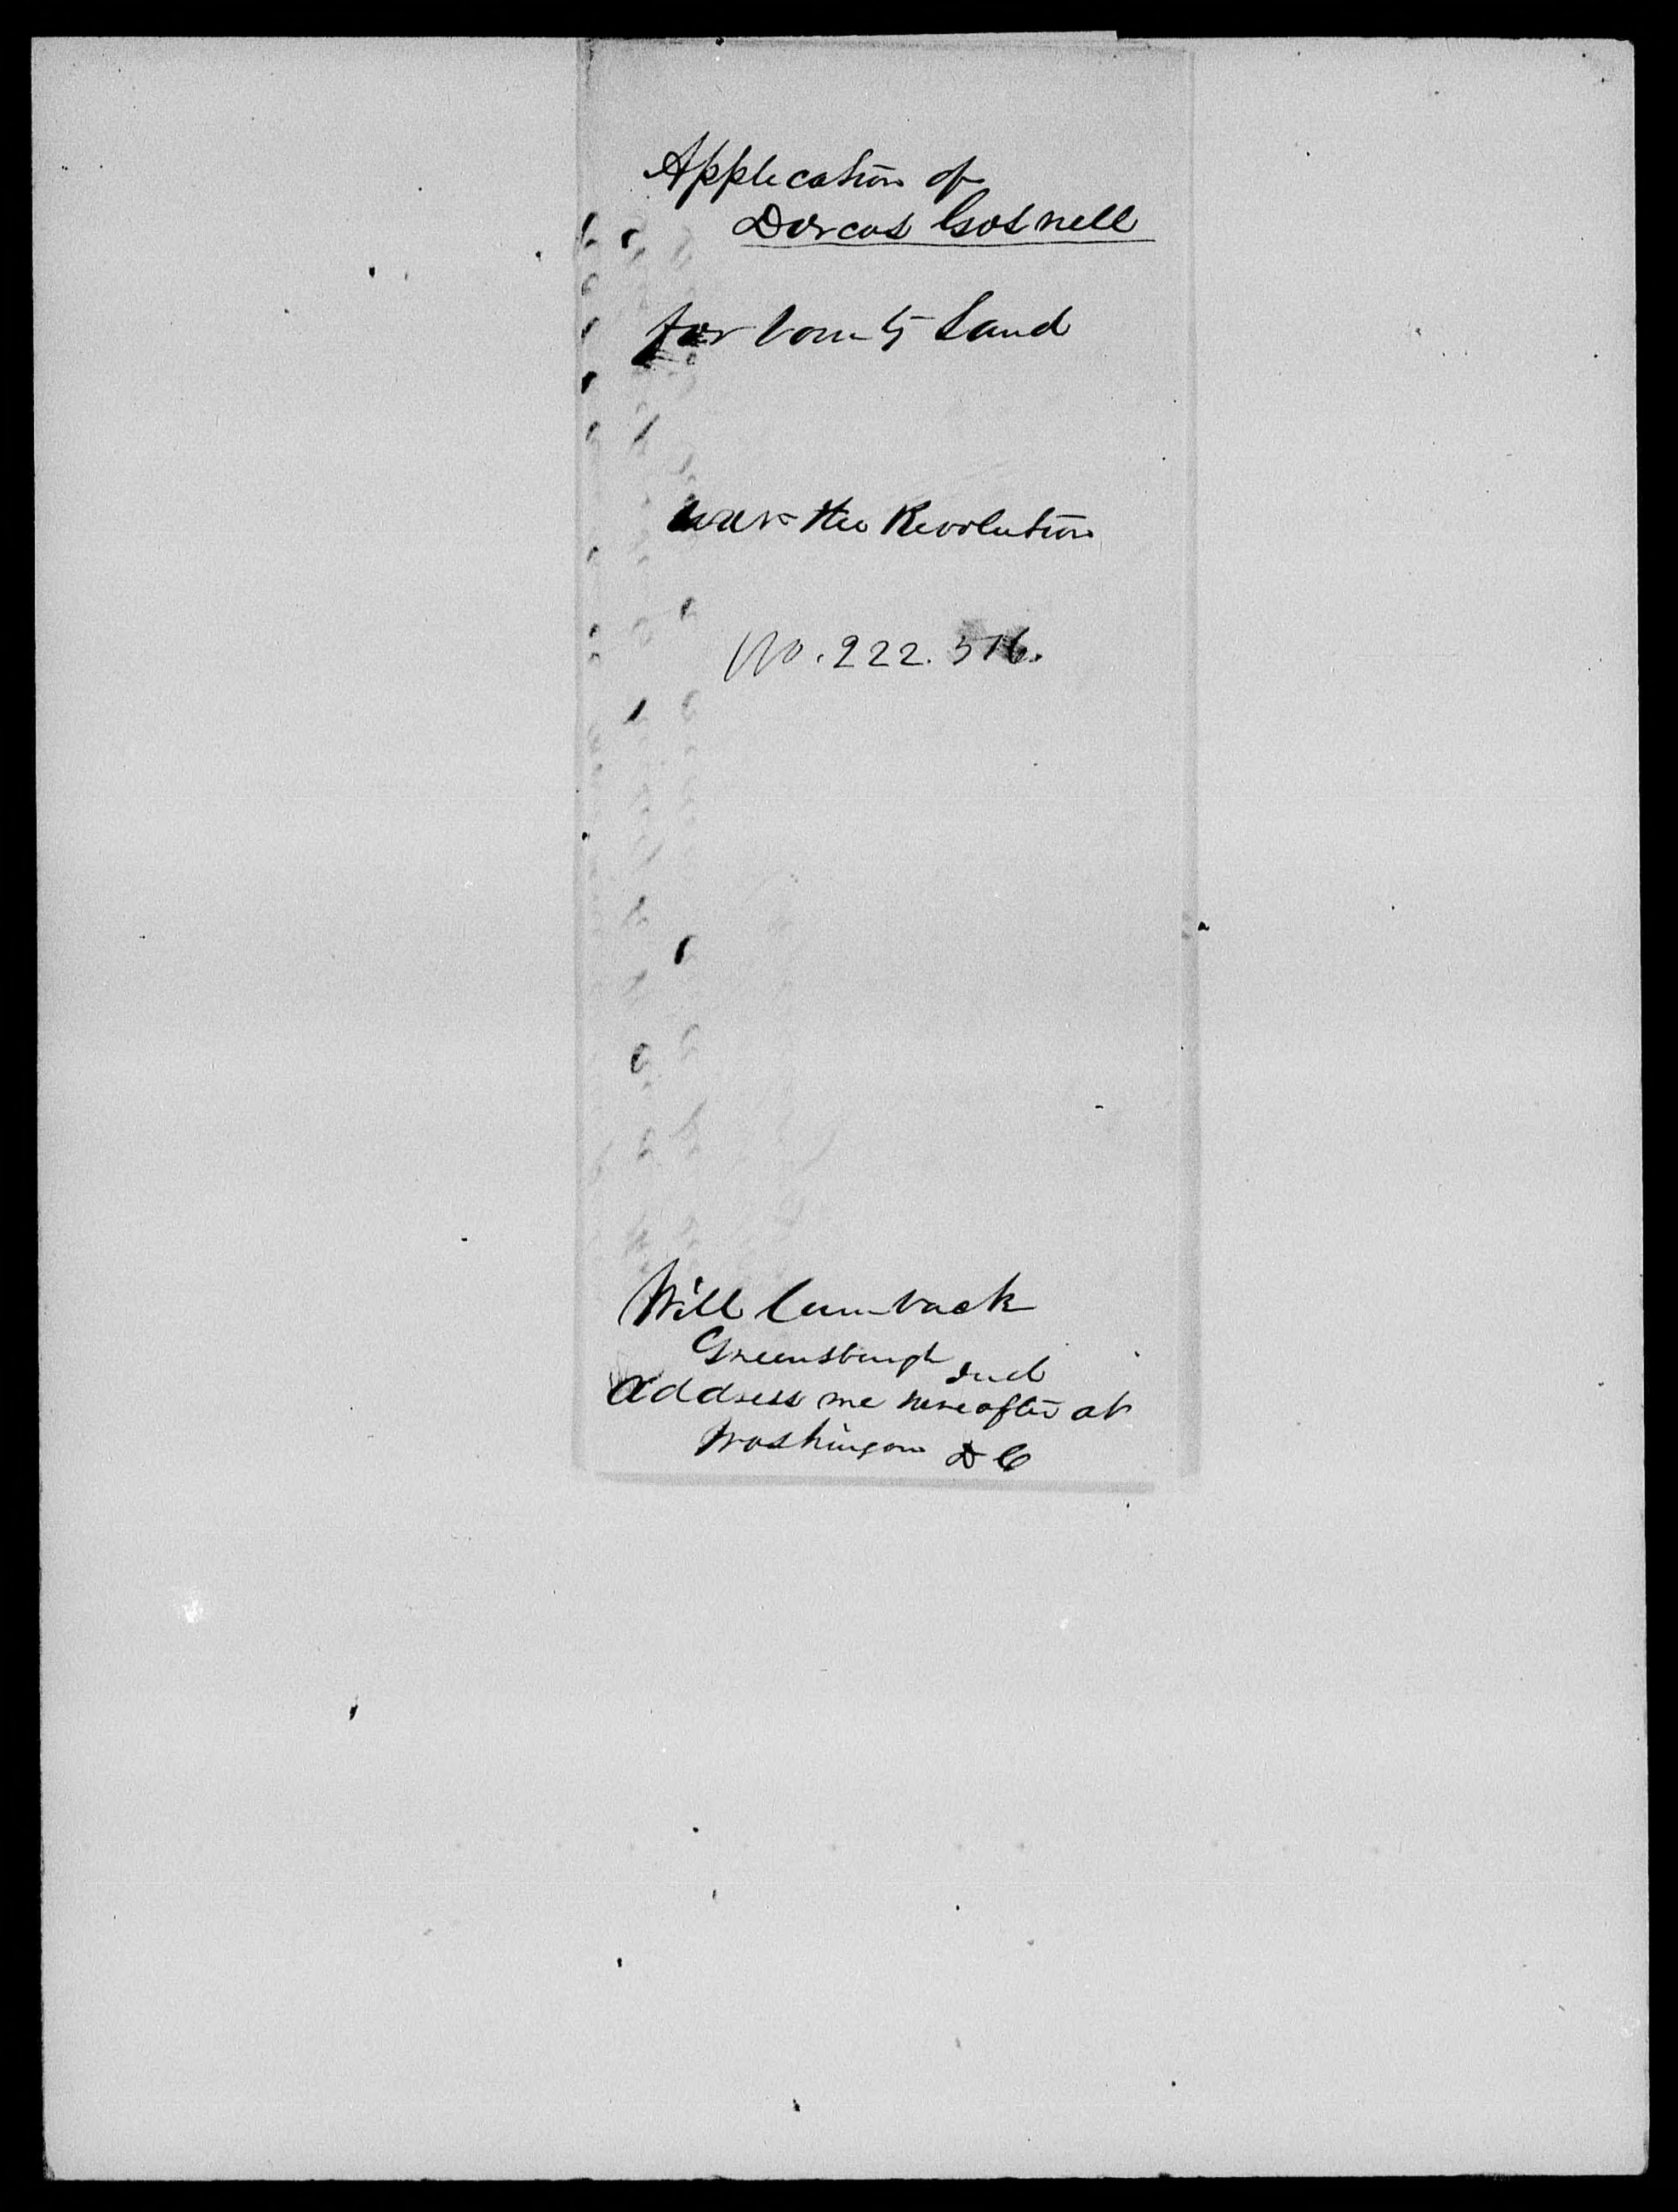Application of Dorcas Gosnell
for bounty land

War the Revolution

No. 222.516

Will Cumback
Greensburgh Ind
Address me hereafter at Washington DC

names: Dorcas Gosnell, Will Cumback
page: 14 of 39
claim: widow's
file: W. 11060, Benjamin Gosnell, Va.